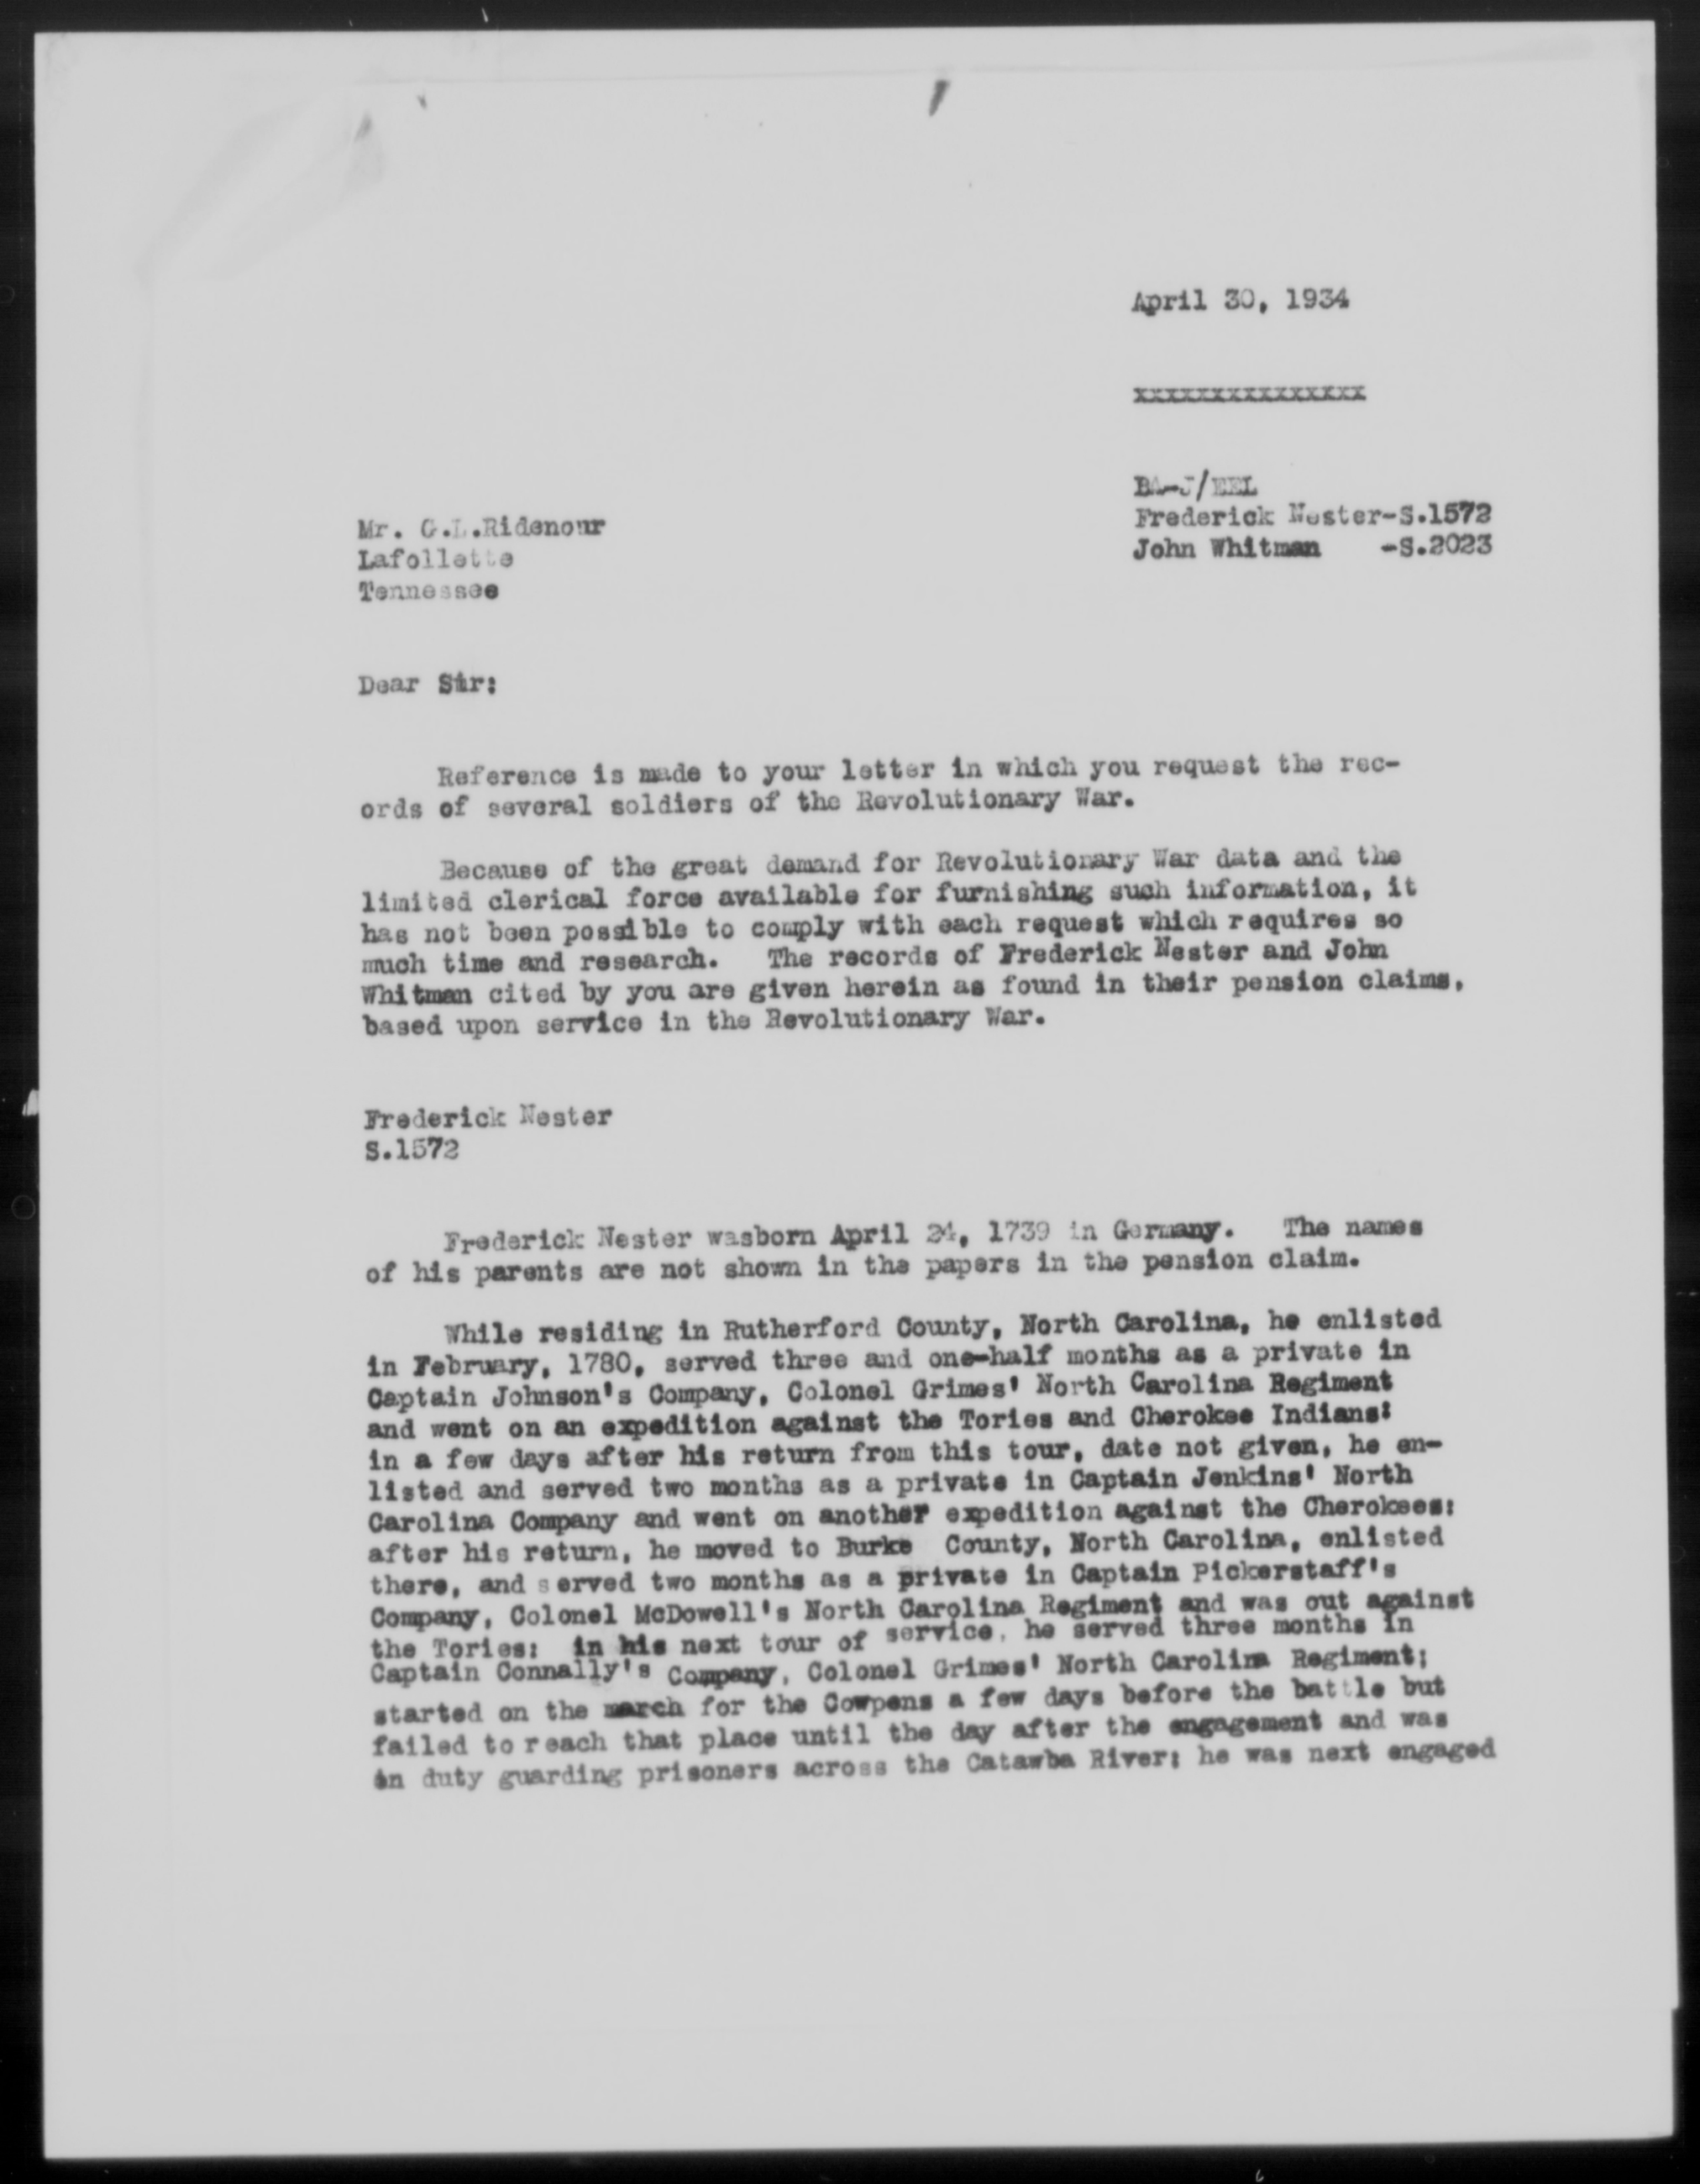April 30, 1934
XXXXX

BA-J/EEL
Frederick Nester-S.1572
John Whitman - S.2023

Dear Sir:

Reference is made to your letter in which you request the records
of several soldiers of the Revolutionary War.

Because of the great demand for Revolutionary War data and the
limited clerical force available for furnishing such information, it
has not been possible to comply with each request which requires so
much time and research. The records of Frederick Nester and John
Whitman cited by you are given herein as found in their pension claims,
based upon service in the Revolutionary War.

Frederick Nester
S. 1572

Frederick Nester was born April 24, 1739 in Germany. The names
of his parents are not shown in the papers in the pension claim.

While residing in Rutherford County, North Carolina, he enlisted
in February, 1780, served three and one-half months as a private in
Captain Johnson's Company, Colonel Grimes' North Carolina Regiment
and went on an expedition against the Tories and Cherokee Indians:
in a few days after his return from this tour, date not given, he enlisted
and served two months as a private in Captain Jenkins' North 
Carolina Company and went on another expedition against the Cherokees:
after his return, he moved to Burke County, North Carolina, enlisted
there, and served two months as a private in Captain Pickerstaff's
Company, Colonel McDowell's North Carolina Regiment and was out against
the Tories in his next tour of service, he served three months in
Captain Connally's Company, Colonel Grimes' North Carolina Regiment;
started on the march for the Cowpens a few days before the battle but
failed to reach that place until the day after the engagement and was
in duty guarding prisoners across the Catawba River; he was next engaged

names: John Whitman, G L Ridenour, Frederick Nester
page: 12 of 22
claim: survivor's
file: S 2023, John Whitman, Va.